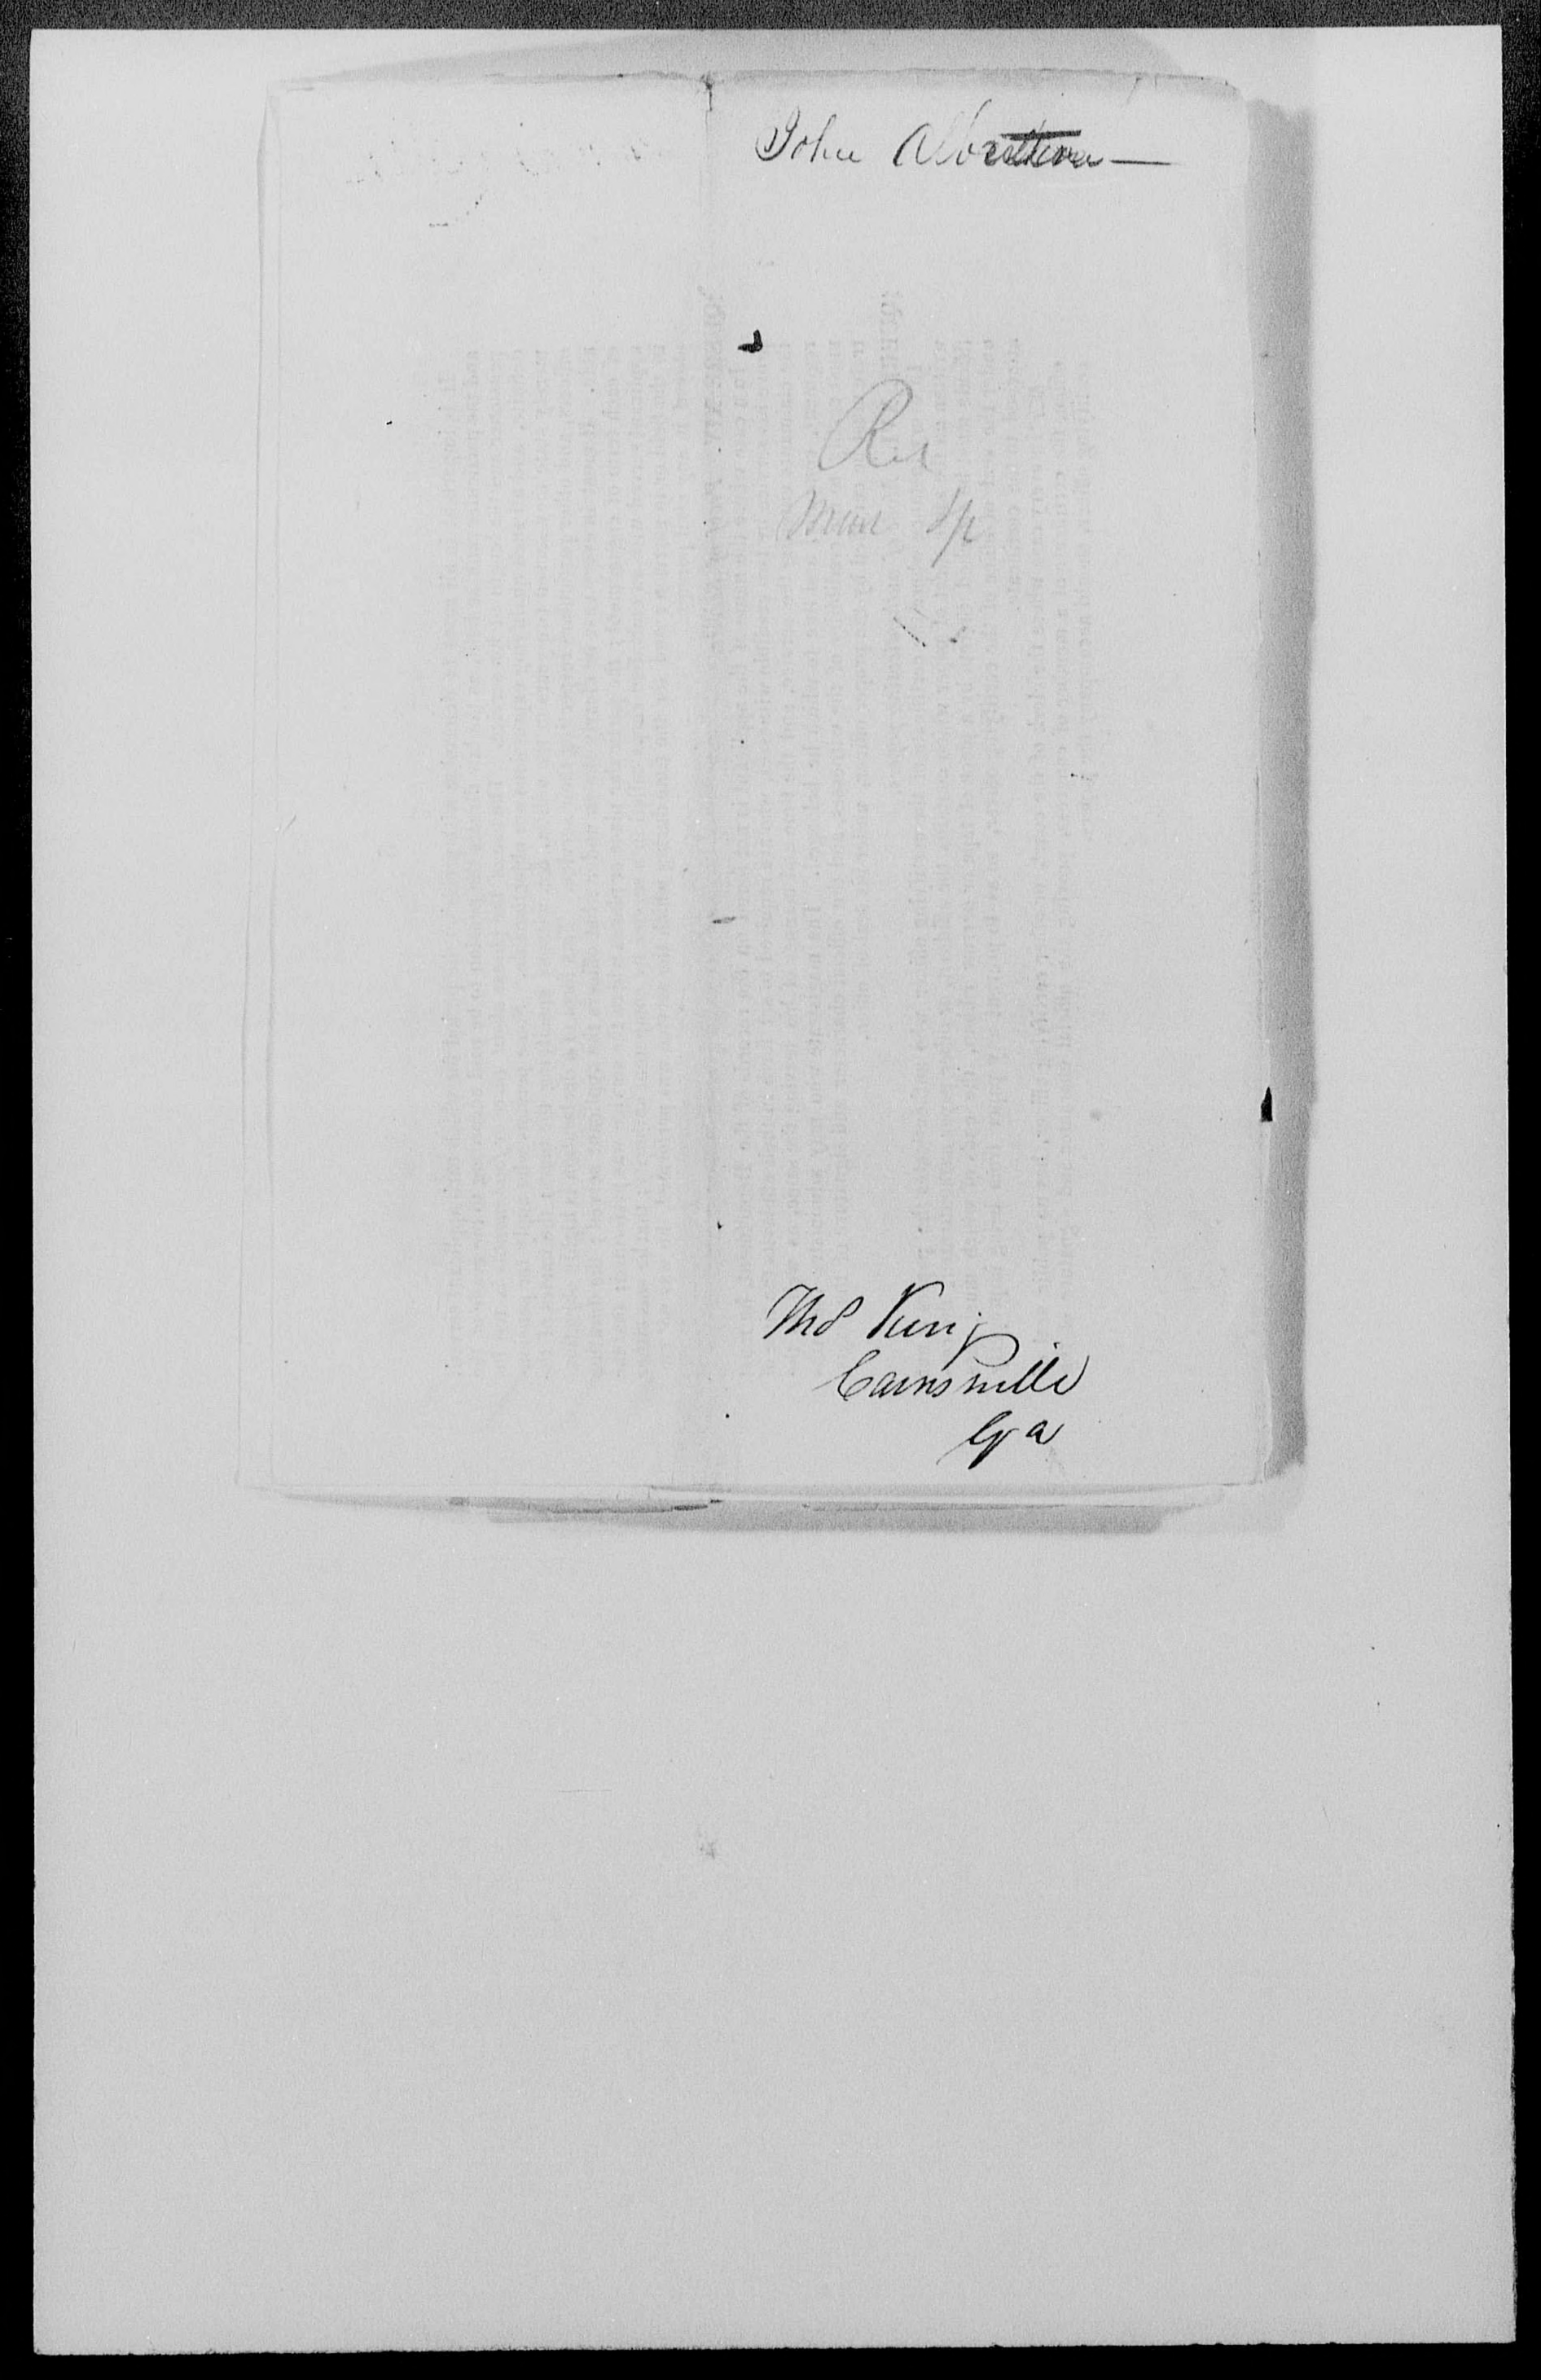John Albritton
Rev War [illegible]
Thos King, Carnsville Ga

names: John Albritton, Thos King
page: 14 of 22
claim: survivor's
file: S. 31,517, John Allbritton, S.C.